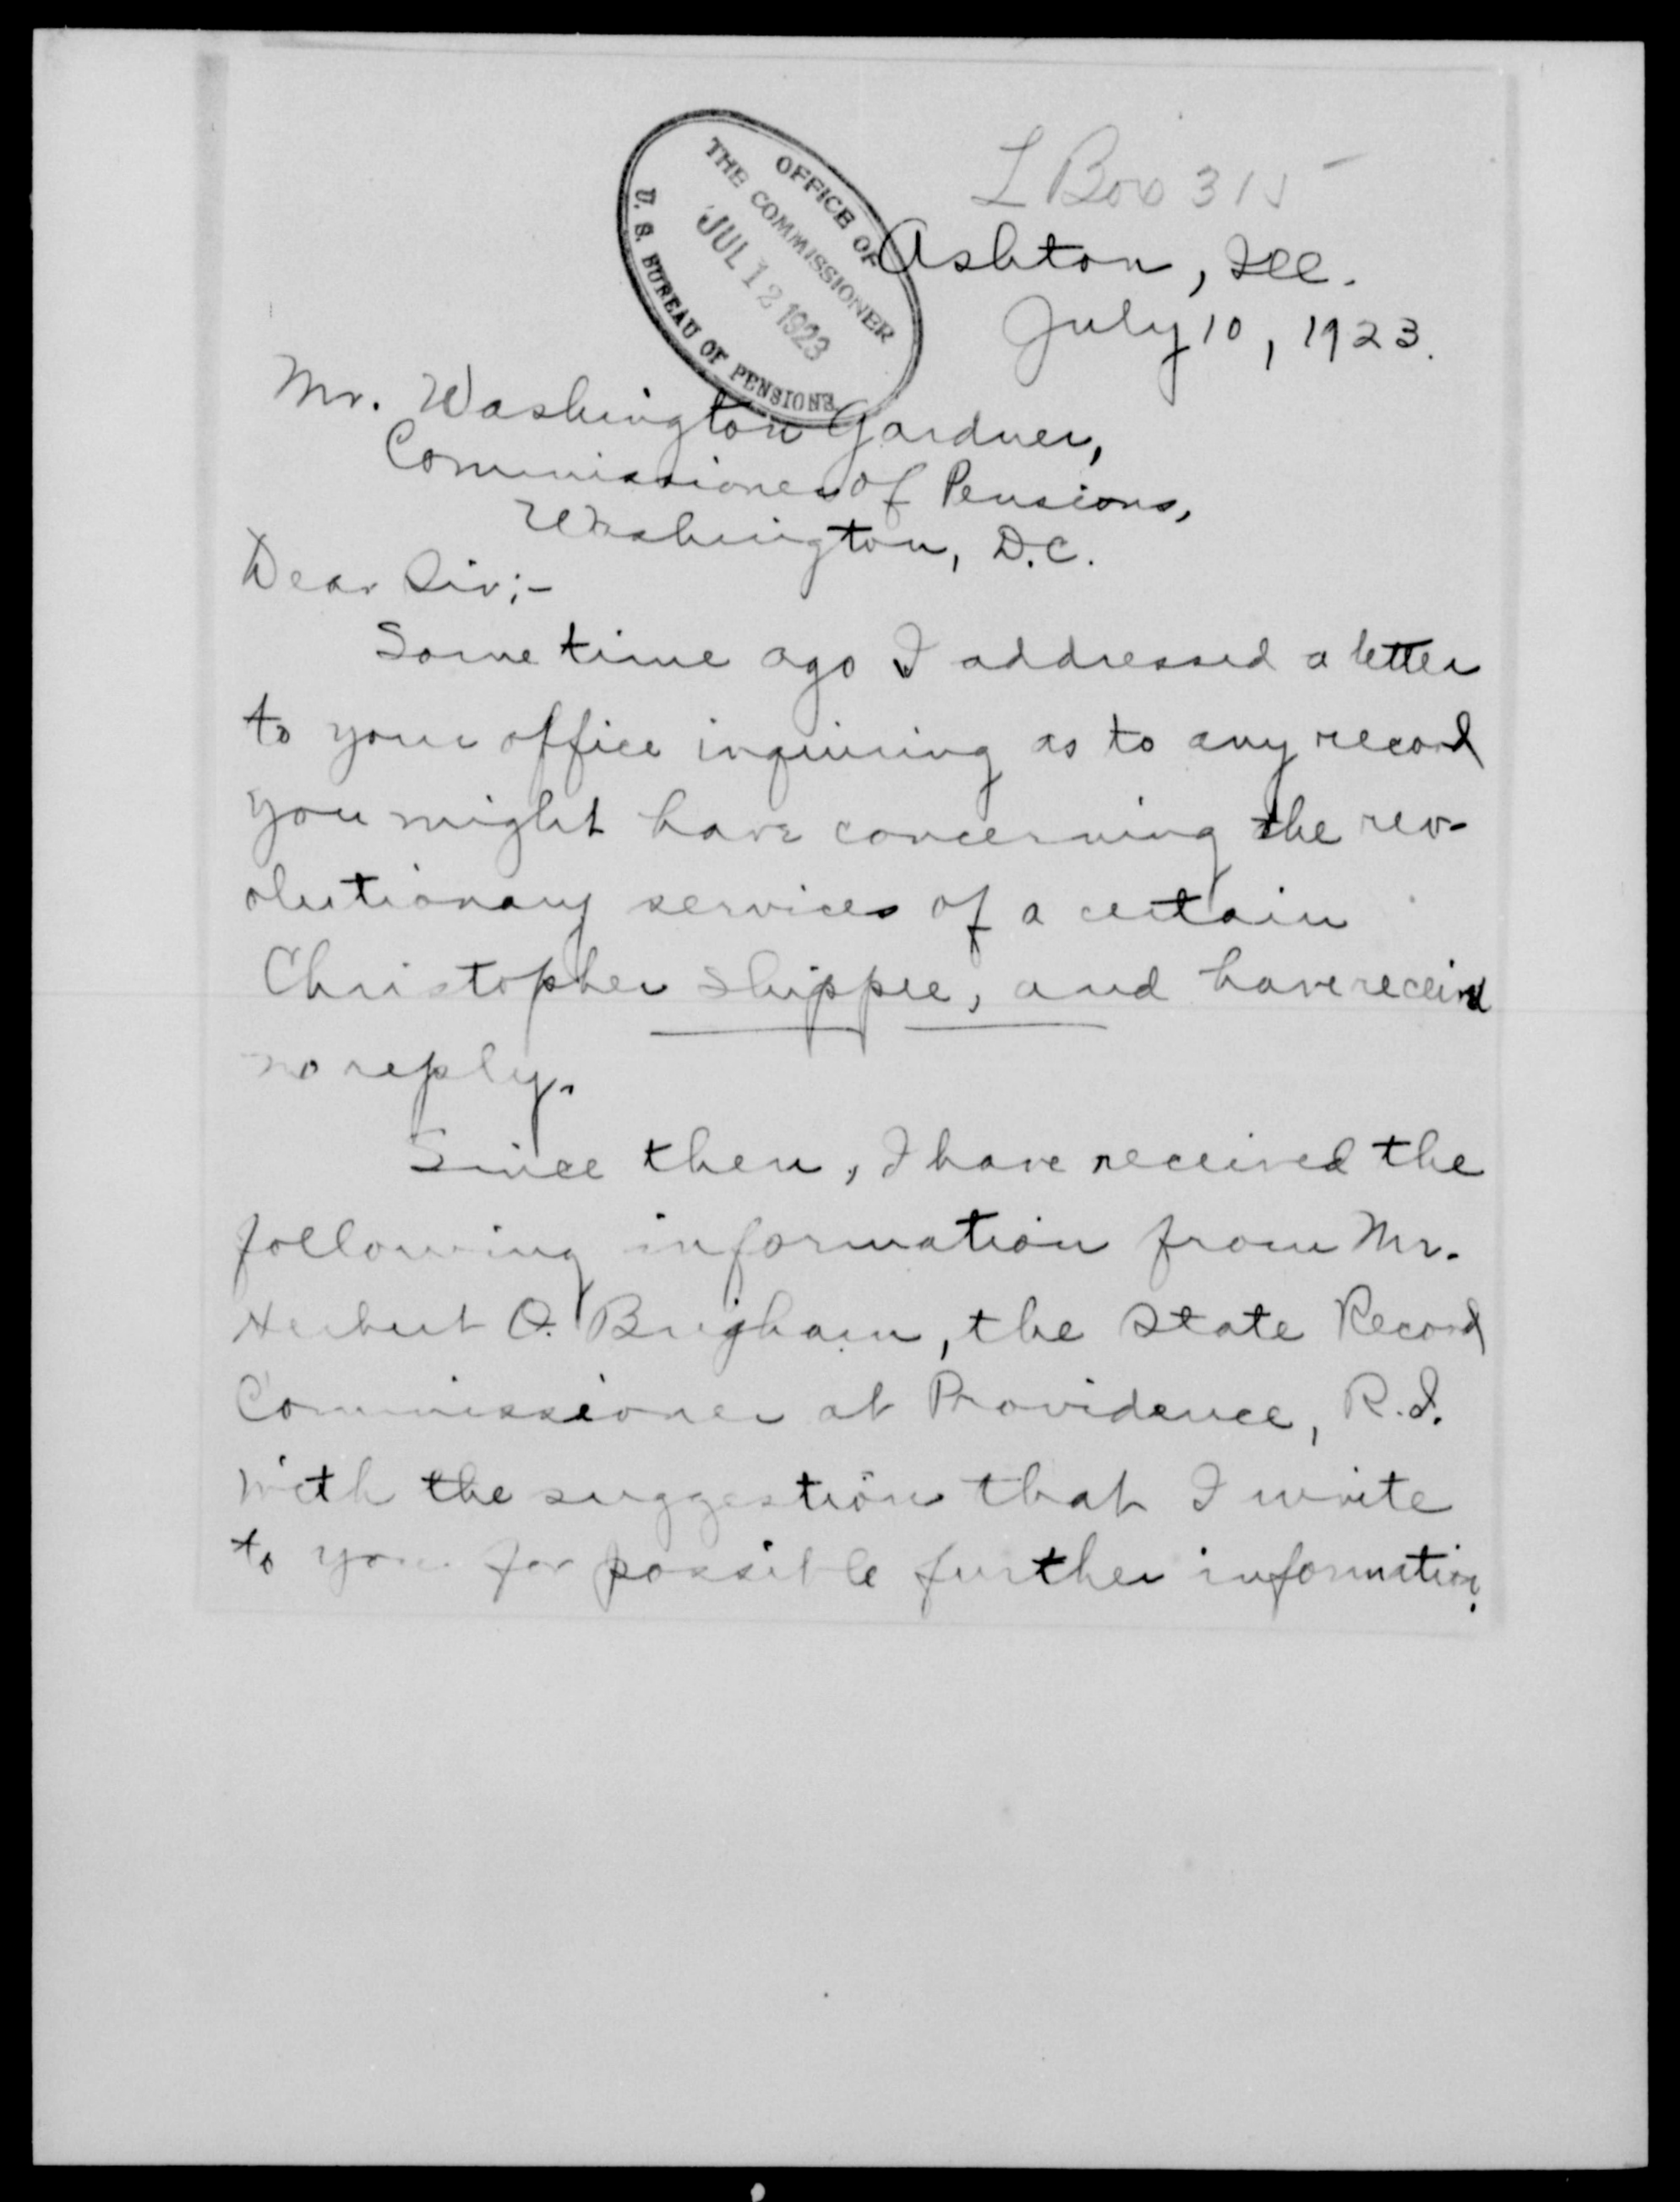Stamp: OFFICE OF THE COMMISSIONER 
JULY 12 1923
US BUREAU OF PENSIONS

L Box 315

Ashton, Ill.
July 10, 1923
Mr. Washington Gardner
Commissioner of Pensions,
Washington, D.C.
Dear Sir:
Some time ago I addressed a letter
to your office inquiring as to any record
you might have concerning the revolutionary
services of a certain Christopher Shippee, and have received no reply.
Since then, I have received the following information from Mr. Herbert O. Brigham, the State Record Commissioner at Providence R.I.
with the suggestions that I write to you for possible further information.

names: Christopher Shippee; Washington Gardner; Hubert O Brigham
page: 19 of 20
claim: survivor's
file: S. 30,698, for Christopher Shippee, Rhode Island